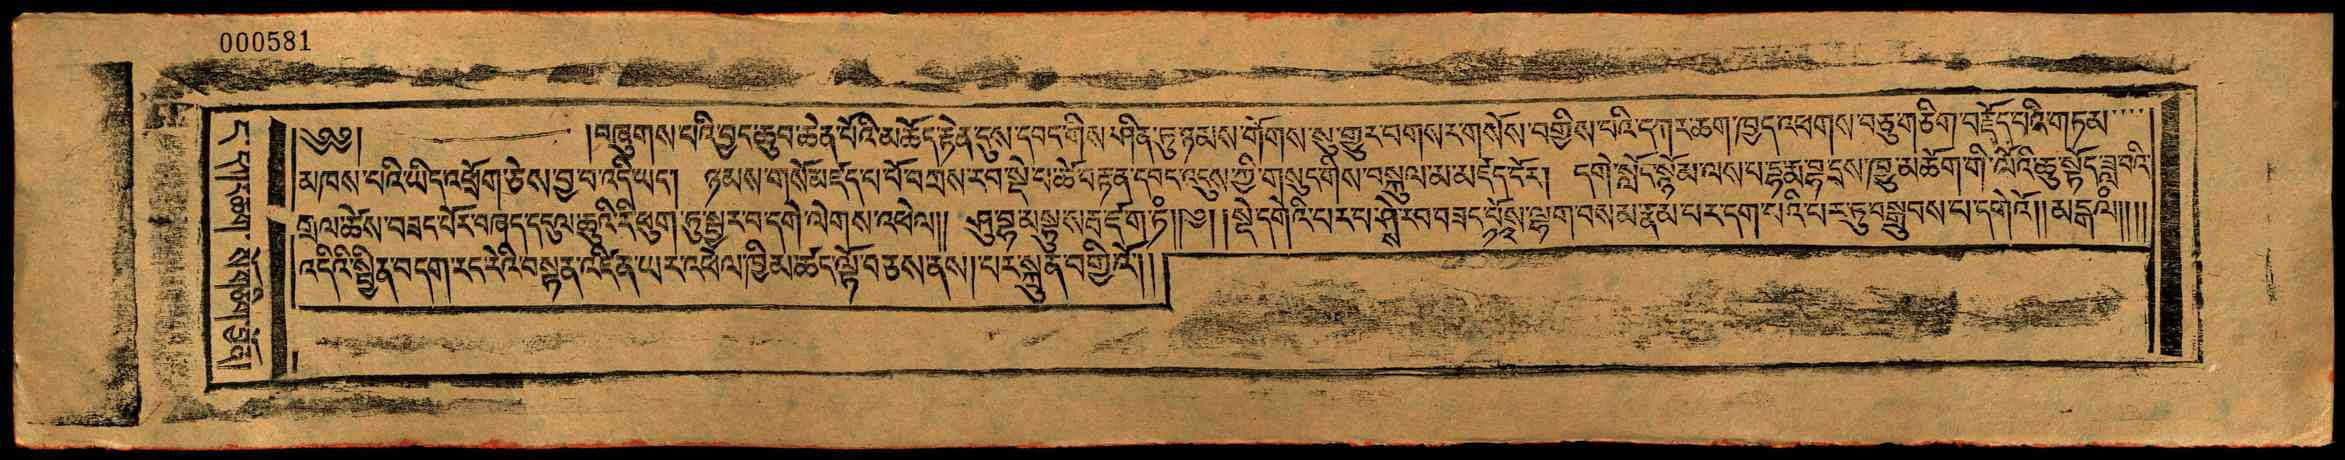༄༅། །བཞུགས་པའི་བྱང་ཆུབ་ཆེན་པོའི་མཆོད་རྟེན་དུས་དབང་གིས་ཤིན་ཏུ་ཉམས་གོགས་སུ་གྱུར་པ་གསར་གསོས་བགྱིས་པའི་དཀར་ཆག་ཁྱད་འཕགས་བཅུ་གཅིག་བརྗོད་བའི་གཏམ་
མཁས་པའི་ཡིད་འཕྲོག་ཅེས་བྱ་བ་འདི་ཡང་། ཉམས་གསོ་མཛད་པ་པོ་བཀྲས་རབ་སྡེ་པ་ཚེ་བརྟེན་དབང་འདུས་ཀྱི་གསུང་གིས་བསྐུལ་མ་མཛད་དོར། དགེ་སློང་སྙོམ་ཡོས་པ་དྷ་རྨ་བྷ་དྲས་ཁྱུ་མཆོག་གི་ལོའི་ཆུ་སྟོད་ཟླ་བའི་
གྲལ་ཚེས་བཟང་པོར་བཞད་དངུལ་ཆུའི་རི་ཕུག་ཏུ་སྦྱར་བ་དགེ་ལེགས་འཕེལ།། ཤུ་བྷ་མ་སྟུ་སརྦ་ཛ་ག་ཏཾ།། ༄༅། །སྡེ་དགེའི་པར་པ་ཤེས་རབ་བཟང་པོས ༡༢་ལྷག་བསམ་རྣམ་པར་དག་པའི་བར་ཏུ་བསྒྲུབས་པ་དགེའོ།། མངྒ་ལཾ།། །།